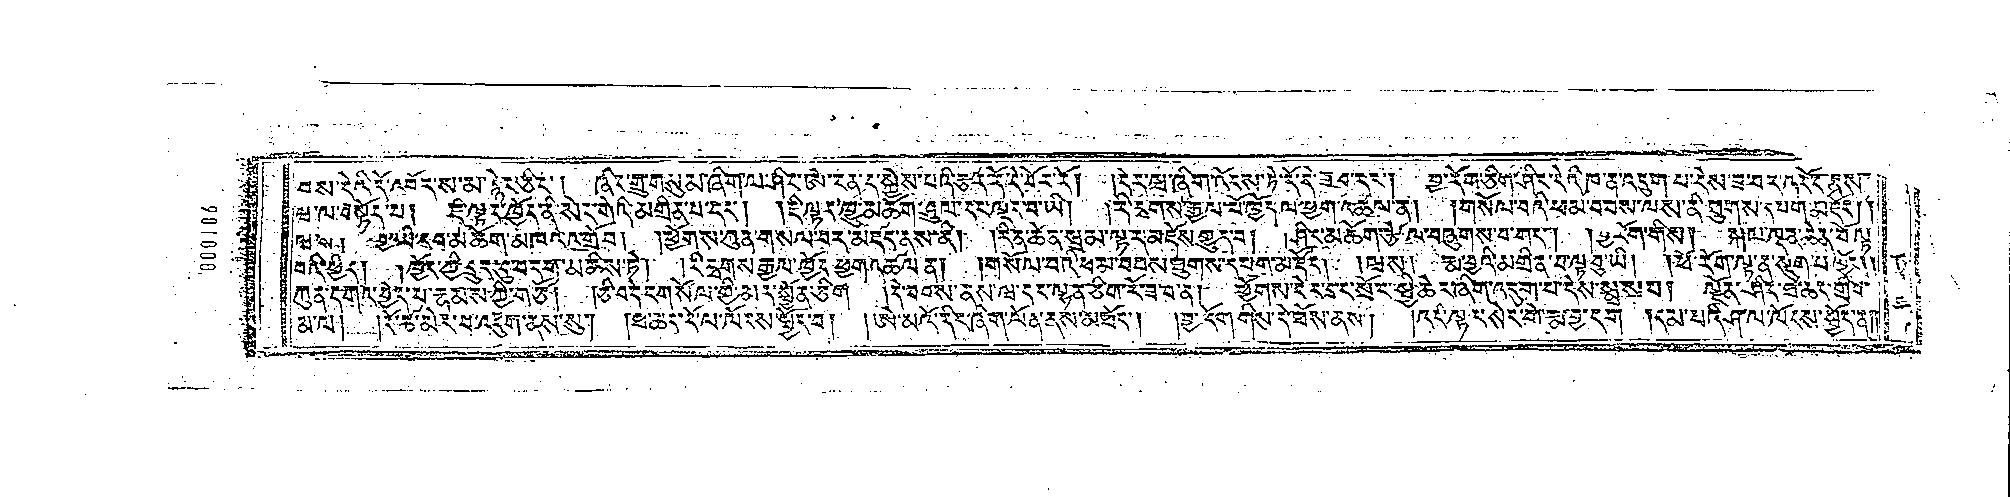བས་དེའི་རོ་འབོར་ས་མ་རྙེད་ཅིང་། ཞིང་གྲུ་གསུམ་ཞིག་ལ་ཤིང་ཨེ་རན་ད་སྐྱེས་པའི་རྩར་རོ་ངོ་བོར་རོ། །དེར་ཝ་ཞིག་འོངས་ཏེ་དོ་དེ་ཟབ་དང་། བྱ་རོག་ཅིག་ཤིང་དེའི་ཁ་ན་འདུག་པ་ངེས་ཟ་བར་འདོད་ནས།
ཝ་ལ་བསྟོད་པ། ཇི་ལྟར་ཁྱོད་ནི་སེང་གེའི་མགྲིན་པ་དང་། །ཇི་ལྟར་ཁྱུ་མཆོག་ཤུལ་དང་ལྡང་བ་ཡི། །རི་དྭགས་རྒྱལ་པོ་ཁྱོད་ལ་ཕྱག་འཚལ་ན། །གསོལ་བའི་ཕམ་བབས་ལས་ནི་ཐུགས་དཔག་མཛོད། །
ཝ་ས། བྱ་ཡི་རབ་མཆོག་མཁའ་འགྲོ་བ། །ཕྱོགས་ཀུན་གསལ་བར་མཛད་ནས་ནི། །རིན་ཆེན་སྦྲམ་ལྟར་མཛོས་གྱུར་བ། །ཤིང་མཆོག་རྩེ་ལ་བཞུགས་པ་གང་། །བྱ་རོག་གིས། སྐལ་ལྡན་ཆེན་པོ་ལྟ་
བའི་ཕྱིར། །ཁྱོད་ཀྱི་དྲུང་དུ་བདག་མཆིས་ཏེ། །རི་དྭགས་རྒྱལ་ཁྱོད་ཕྱག་འཚལ་ན། །གསོལ་བའི་ཕམ་བབས་ཐུགས་དཔག་མཛོད། །ཝས། རྨ་བྱའི་མགྲིན་པ་ལྟ་བུ་ཡི། །ཕོ་རོག་ལྟ་ན་སྡུག་པ་ཁྱོད།།
ཀུན་དགའ་བྱེད་པ་རྣམས་ཀྱི་གཙོ། །ཅི་བདེང་གསོལ་གྱི་མར་སྦྱོན་ཅིག །དེ་བབས་ནས་ཝ་དང་ལྷན་ཅིག་རོ་ཟ་བ་ན། ཕྱོགས་དེར་དྲང་སྲོང་སྤྱི་ཆེར་ཞིག་འདུག་པ་དེས་སྨྲས་པ། ལྗོན་ཤིང་ཐ་ཆང་གྲིབ་
མ་ལ། །ངོ་ཚ་མེད་པ་འདུག་ནས་སུ། །ཐ་ཆང་དེ་ལ་ལོངས་སྤྱོད་བ། །ཨེ་མའོ་རིང་ཞིག་ལོན་ནས་མཐོང་། །བྱ་རོག་གིས་དེ་ཐོས་ནས། །འདི་ལྟར་སེང་གེ་རྨ་བྱ་དག །དམ་པའི་ཤལ་ལོངས་སྤྱོད་ན།།